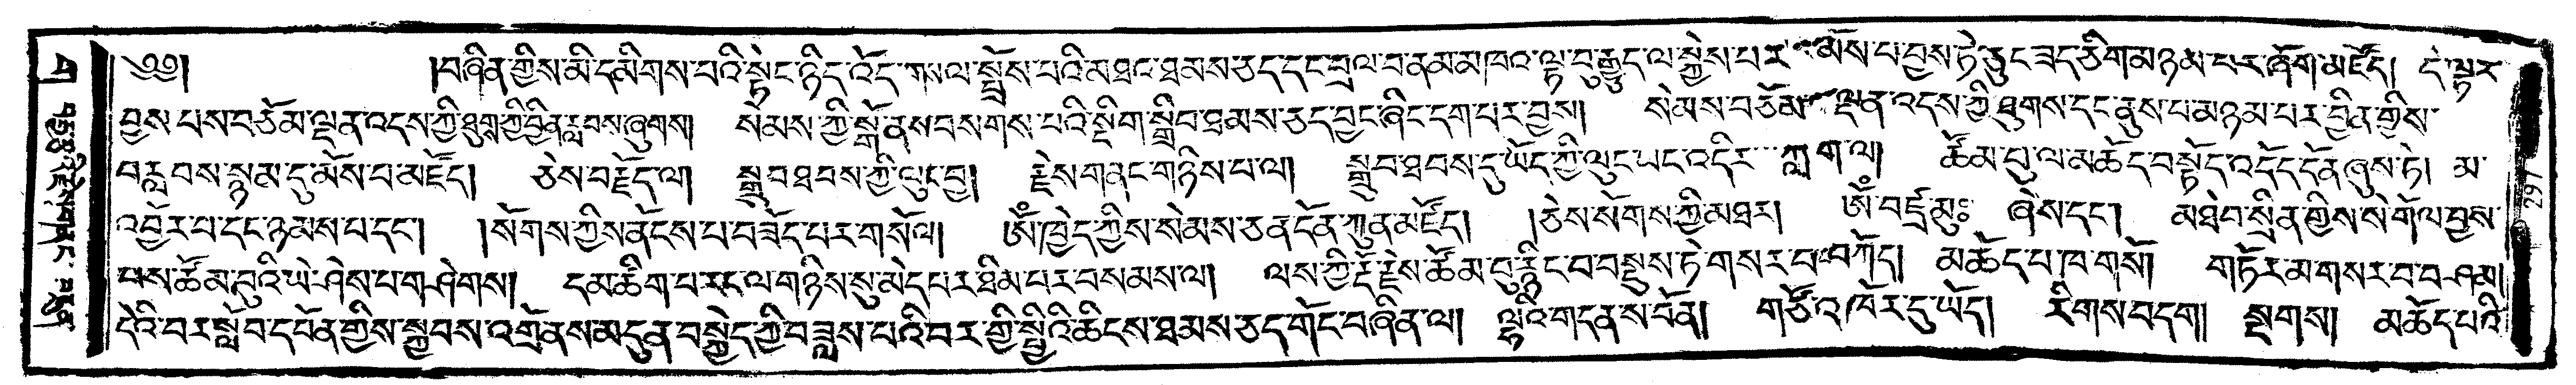༄༅། །བཞིན་གྱིས་མི་དམིགས་པའི་སྟེང་ཉིད་འོད་གསལ་སྤྲོས་པའི་མཐའ་ཐམས་ཅད་དང་བྲལ་བ་ནམ་མཁའ་ལྟ་བུ་རྒྱུད་ལ་སྐྱེས་པར་མོས་པ་བྱས་ཏེ་ཅུང་ཟད་ཅིག་མཉམ་པར་ཞོག་མཛོད། དེ་ལྟར་
བྱས་པས་བཅོམ་ལྡན་འདས་ཀྱི་ཐུགས་ཀྱི་བྱིན་རླབས་ཞུགས། སེམས་ཀྱི་སྒོ་ནས་བསགས་པའི་སྡིག་སྒྲིབ་ཐམས་ཅད་བྱང་ཞིང་དག་པར་བྱས། སེམས་བཅོམ་ལྡན་འདས་ཀྱི་ཐུགས་དང་ནུས་པ་མཉམ་པར་བྱིན་གྱིས་
བརླབས་སྙམ་དུ་མོས་པ་མཛོད། ཅེས་བརྗོད་ལ། སྒྲུབ་ཐབས་ཀྱི་ལུང་བྱ། རྗེས་གནང་གཉིས་པ་ལ། སྒྲུབ་ཐབས་དུ་ཡོད་ཀྱི་ལུང་ཡང་འདིར་ཀླག་ལ། ཚོམ་བུ་ལ་མཆོད་བསྟོད་འདོད་དོན་ཞུས་ཏེ། མ་
འབྱོར་བ་དང་ཉམས་པ་དང་། །སོགས་ཀྱིས་ནོངས་པ་བཟོད་པར་གསོལ། ཨོཾ་ཁྱེད་ཀྱིས་སེམས་ཅན་དོན་ཀུན་མཛོད། །ཅེས་སོགས་ཀྱི་མཐར། ཨོཾ་བཛྲ་མུཿ ཞེས་དང་། མཐེབ་སྲིན་གྱིས་སེ་གོལ་བྱས་
པས་ཚོམ་བུའི་ཡེ་ཤེས་པ་གཤེགས། དམ་ཚིག་པ་རང་ལ་གཉིས་སུ་མེད་པར་ཐིམ་པར་བསམས་ལ། ལས་ཀྱི་རྡོ་རྗེས་ཚོམ་བུ་རྙིང་བ་བསྡུས་ཏེ་གསར་པ་བཀོད། མཆོད་པ་ཁ་གསོ། གཏོར་མ་གསར་བ་བཤམ།
དེའི་བར་སློབ་དཔོན་གྱིས་སྐྱབས་འགྲོ་ནས་མདུན་བསྐྱེད་ཀྱི་བཟླས་པའི་བར་གྱི་སྤྱིའི་ཆིངས་ཐམས་ཅད་གོང་བཞིན་ལ། ལྷའི་གདན་ས་བོན། གཙོ་འཁོར་དུ་ཡོད། རིགས་བདག། སྔགས། མཆོད་པའི་